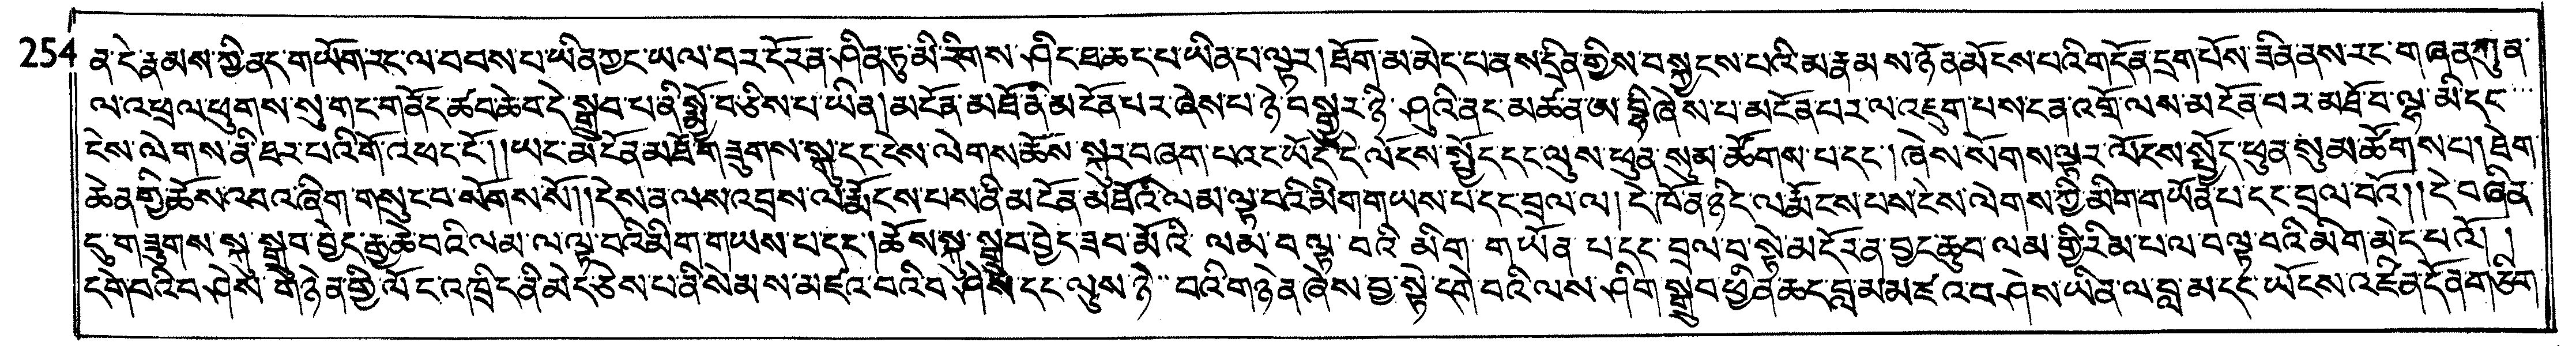ན་དེ་རྣམས་ཀྱི་ནད་གཡོག་རང་ལ་བབས་པ་ཡིན་ཀྱང་ཡལ་བར་དོར་ན་ཤིན་ཏུ་མི་རིགས་ཤིང་ཐ་ཆད་པ་ཡིན་པ་ལྟར། ཐོག་མ་མེད་པ་ནས་དྲིན་གྱིས་བསྐྱངས་པའི་མ་རྣམས་ཉོན་མོངས་པའི་གདོན་དྲག་པོས་ཟིན་ནས་རང་གཞན་ཀུན་
ལ་འཕྲལ་ཕུགས་སུ་གང་གནོད་ཚབ་ཆེ་བ་དེ་སྒྲུབ་པ་ནི་སྨྱོ་བ་ཅིས་པ་ཡིན། མངོན་མཐོ་ནི་མངོན་པར་ཞེས་པ་ཉེ་བསྒྱུར་ཉི་ཤུའི་ནང་མཚན་ཨ་བྷི་ཞེས་པ་མངོན་པར་ལ་འཇུག་པས་ངན་འགྲོ་ལས་མངོན་པར་མཐོ་བ་ལྷ་མི་དང་
ངེས་ལེགས་ནི་ཐར་པའི་གོ་འཕང་ངོ། །ཡང་མངོན་མཐོ་གཟུགས་སྒུ་དང་ངེས་ལེགས་ཆོས་སྐུར་བཞག་པའང་ཡོད་དེ་ལོངས་སྤྱོད་དང་ལུས་ཕུན་སུམ་ཚོགས་པ་དང་། ཞེས་སོགས་ལྟར་ལོངས་སྤྱོད་ཕུན་སུམ་ཚོགས་པ། ཐེག་
ཆེན་གྱི་ཆོས་འབའ་ཞིག་གསུང་བ་སོགས་སོ། །དེས་ན་ལས་འབྲས་ལ་རྨོངས་པས་ནི་མངོན་མཐོའི་ལམ་ལྟ་བའི་མིག་གཡས་པ་དང་བྲལ་ལ། དེ་ཁོ་ན་ཉིད་ལ་རྨོངས་པས་ངེས་ལེགས་ཀྱི་མིག་གཡོན་པ་དང་བྲལ་བའོ། །དེ་བཞིན་
དུ་གཟུགས་སྐུ་སྒྲུབ་བྱེད་རྒྱ་ཆེ་བའི་ལམ་ལ་ལྟ་བའི་མིག་གཡས་པ་དང་། ཆོས་སྐུ་སྒྲུབ་བྱེད་ཟབ་མོའི་ལམ་བལྟ་བའི་མིག་གཡོན་པ་དང་བྲལ་བ་སྟེ་མདོར་ན་བྱང་ཆུབ་ལམ་གྱི་རིམ་པ་ལ་བལྟ་བའི་མིག་མེད་པའོ། །
དགེ་བའི་བཤེས་གཉེན་གྱི་ལོང་འཁྲིད་ནི་མེད་ཅེས་པ་ནི་སེམས་མཛའ་བའི་བཤེས་དང་ལུས་ཉེ་བའི་གཉེན་ཞེས་བྱ་སྟེ་དགེ་བའི་ལས་ཤིག་སྒྲུབ་ཕྱིན་ཆང་བླ་མ་མཛའ་བཤེས་ཡིན་ལ་བླ་མ་དང་ཡོངས་འཛིན་དོན་གཅིག་